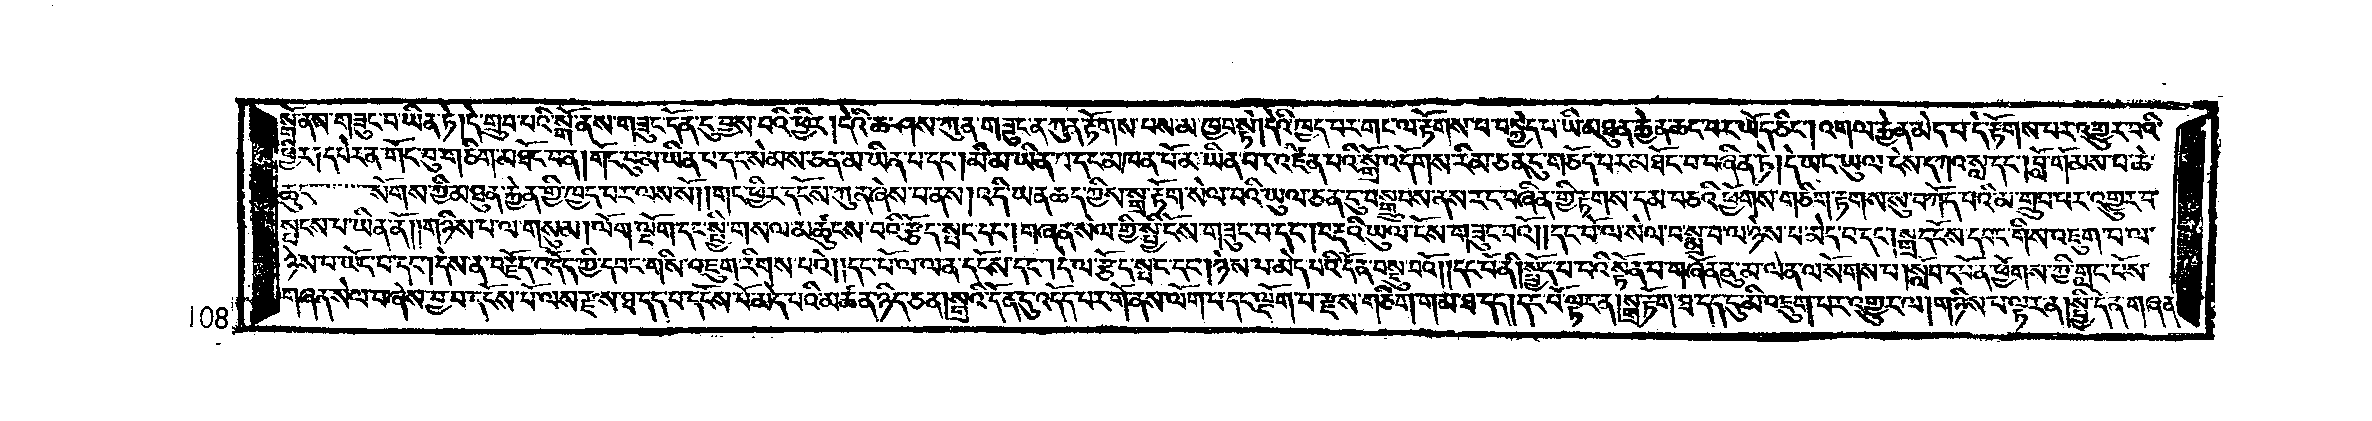སྒེ་ནས་གཟུང་བ་ཡིན་ཏེ། དེ་གྲུབ་པའི་སྒོ་ནས་གཟུང་དོན་དུ་བྱས་པའི་ཕྱིར། དེའི་ཆ་ཤས་ཀུན་གཟུང་ན་ཀུན་རྟོགས་པས་མ་ཁྱབ་སྟེ། དེའི་ཁྱད་པར་གང་ལ་རྟོགས་པ་བསྐྱེད་པ་ཡི་མཐུན་རྐྱེན་ཆད་བར་ཡོད་ཅིང་། འགལ་རྐྱེན་མེད་པ་དེ་རྟོགས་པར་འགྱུར་བའི་
ཕྱིར། དཔེར་ན་གོང་བུ་གཅིག་མཐོང་བ་ན། གོང་བུ་མ་ཡིན་པ་དང་སེམས་ཅན་མ་ཡིན་པ་དང་། མི་མ་ཡིན་པ་དང་མཁན་པོ་མ་ཡིན་པར་འཛིན་པའི་སྒྲོ་འདོགས་རིམ་ཅན་དུ་གཅོད་པར་མཐོང་བ་བཞིན་ཏེ། དེ་ཡང་ཡུལ་ངེས་དཀའ་སླ་དང་། བློ་གོམས་པ་ཆེ་
ཆུང་སོགས་ཀྱི་མཐུན་རྐྱེན་གྱི་ཁྱད་པར་ལས་སོ། །གང་ཕྱིར་དངོས་ཀུན་ཞེས་པ་ནས། འདི་ཡན་ཆད་ཀྱིས་སྒྲ་རྟོག་སེལ་བའི་ཡུལ་ཅན་དུ་བསྒྲུབས་ནས་རང་བཞིན་གྱི་རྟགས་དམ་བཅའི་ཕྱོགས་གཅིག་རྟགས་སུ་བཀོད་པའི་མ་གྲུབ་པར་འགྱུར་བ་
སྤངས་པ་ཡིན་ནོ། །གཉིས་པ་ལ་གསུམ། ལོག་ལྡོག་དང་སྤྱི་གསལ་མཚུངས་བའི་རྩོད་སྤང་དང་། གཞན་སེལ་གྱི་སྤྱི་ངོས་གཟུང་བ་དང་། བརྡའི་ཡུལ་ངོས་གཟུང་བའོ། །དང་པོ་ལ་སེལ་བ་སྨྲ་བ་ལ་ཉེས་པ་མེད་བ་དང་། སྒྲ་དངོས་དབང་གིས་འཇུག་པ་ལ་
ཉེས་པ་ཡོད་པ་དང་། དེས་ན་བརྗོད་འདོད་ཀྱི་དབང་གིས་འཇུག་རིགས་པའོ། །དང་པོ་ལ་ལན་དངོས་དང་། དེ་ལ་རྩོད་སྤང་དང་། ཉེས་པ་མེད་པའི་དོན་བསྡུ་བའོ། །དང་པོ་ནི། སྤྱོད་པ་པའི་སྟོན་པ་གཞོན་ནུ་མ་ལེན་ལ་སོགས་པ། སློབ་དཔོན་ཕྱོགས་ཀྱི་གླང་པོས་
གཞན་སེལ་བ་ཞེས་བྱ་བ་དངོས་པོ་ལས་རྫས་ཐ་དད་པ་དངོས་པོ་མེད་པའི་མཚན་ཉིད་ཅན། སྒྲའི་དོན་དུ་འདོད་པར་གོ་ནས་ལོག་པ་དང་ལྡོག་པ་རྫས་གཅིག་གམ་ཐ་དད། དང་པོ་ལྟར་ན། སྒྲ་རྟོག་ཐ་དད་དུ་མི་འཇུག་པར་འགྱུར་ལ། གཉིས་པ་ལྟར་ན། སྤྱི་དོན་གཞན་